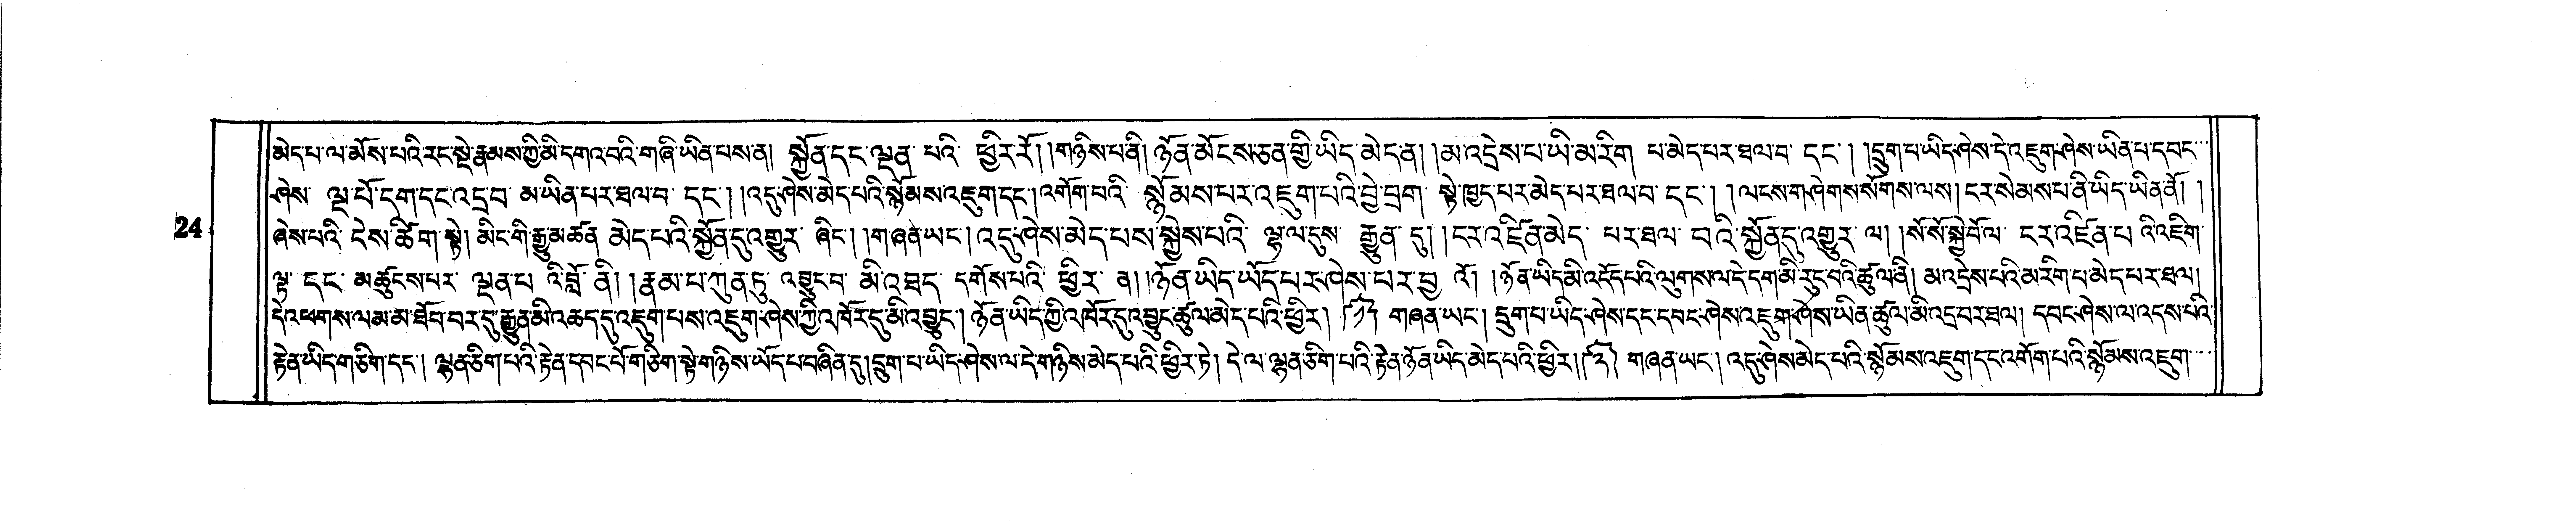མེད་པ་ལ་མོས་པའི་རང་སྡེ་རྣམས་ཀྱི་མི་དགའ་བའི་གཞི་ཡིན་པས་ན། སྐྱོན་དང་ལྡན་པའི་ཕྱིར་རོ། །གཉིས་པ་ནི། ཉོན་མོངས་ཅན་གྱི་ཡིད་མེད་ན། །མ་འདྲེས་པ་ཡི་མ་རིག་པ་མེད་པར་ཐལ་བ་དང་། །དྲུག་པ་ཡིད་ཤེས་དེ་འཇུག་ཤེས་ཡིན་པ་དབང་
ཤེས་ལྔ་པོ་དག་དང་འདྲ་བ་མ་ཡིན་པར་ཐལ་བ་དང་། །འདུ་ཤེས་མེད་པའི་སྙོམས་འཇུག་དང་། འགོག་པའི་སྙོམས་པར་འཇུག་པའི་བྱེ་བྲག་སྟེ་ཁྱད་པར་མེད་པར་ཐལ་བ་དང་། །ལངས་གཤེགས་སོགས་ལས། ངར་སེམས་པ་ནི་ཡིད་ཡིན་ནོ། །
ཞེས་པའི་ངེས་ཚིག་སྟེ། མིང་གི་རྒྱུ་མཚན་མེད་པའི་སྐྱོན་དུ་འགྱུར་ཞིང་། །གཞན་ཡང་། འདུ་ཤེས་མེད་པས་སྐྱེས་པའི་ལྷ་ལ་དུས་རྒྱུན་དུ། །ངར་འཛིན་མེད་པར་ཐལ་བའི་སྐྱོན་དུ་འགྱུར་ལ། སོ་སོ་སྐྱེ་བོ་ལ་ངར་འཛིན་པའི་འཇིག་
ལྟ་དང་མཚུངས་པར་ལྡན་པའི་བློ་ནི། །རྣམ་པ་ཀུན་ཏུ་འབྱུང་བ་མི་འཐད་དགོས་པའི་ཕྱིར་ན། །ཉོན་ཡིད་ཡོད་པར་ཤེས་པར་བྱའོ། །ཉོན་ཡིད་མི་འདོད་པའི་ལུགས་ལ་དེ་དག་མི་རུང་བའི་ཚུལ་ནི། མ་འདྲེས་པའི་མ་རིག་པ་མེད་པར་ཐལ།
དེ་འཕགས་ལམ་མ་ཐོབ་བར་དུ་རྒྱུན་མི་འཆད་དུ་འཇུག་པས་འཇུག་ཤེས་ཀྱི་འཁོར་དུ་མི་འབྱུང་། ཉོན་ཡིད་ཀྱི་འཁོར་དུ་འབྱུང་ཚུལ་མེད་པའི་ཕྱིར། ༡?་གཞན་ཡང་། དྲུག་པ་ཡིད་ཤེས་དང་དབང་ཤེས་འཇུག་ཤེས་ཡིན་ཚུལ་མི་འདྲ་བར་ཐལ། དབང་ཤེས་ལ་འདས་པའི་
རྟེན་ཡིད་གཅིག་དང་། ལྷན་ཅིག་པའི་རྟེན་དབང་པོ་གཅིག་སྟེ་གཉིས་ཡོད་པ་བཞིན་དུ། དྲུག་པ་ཡིད་ཤེས་ལ་དེ་གཉིས་མེད་པའི་ཕྱིར་ཏེ། དེ་ལ་ལྷན་ཅིག་པའི་རྟེན་ཉོན་ཡིད་མེད་པའི་ཕྱིར། ༢?་གཞན་ཡང་། འདུ་ཤེས་མེད་པའི་སྙོམས་འཇུག་དང་འགོག་པའི་སྙོམས་འཇུག་